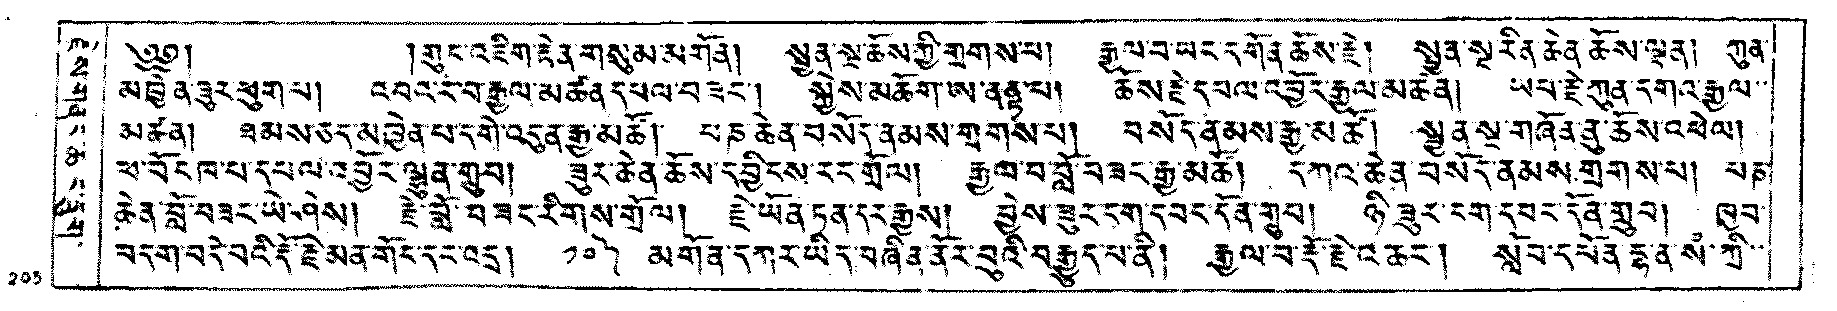༄༅། །གུང་འཇིག་རྟེན་གསུམ་མགོན། སྤྱན་སྔ་ཆོས་ཀྱི་གྲགས་པ། རྒྱལ་བ་ཡང་དགོན་ཆོས་རྗེ། སྤྱན་སྔ་རིན་ཆེན་ཚོས་ལྡན། ཀུན་
མཁྱེན་ཟུར་ཕུག་པ། འབའ་ར་བ་རྒྱལ་མཚན་དཔལ་བཟང་། སྐྱེས་མཆོག་ཨ་ནནྟ་པ། ཆོས་རྗེ་དཔལ་འབྱོར་རྒྱལ་མཚན། ཡབ་རྗེ་ཀུན་དགའ་རྒྱལ་
མཚན། ཐམས་ཅད་མཁྱེན་པ་དགེ་འདུན་རྒྱ་མཚོ། པཎ་ཆེན་བསོད་ནམས་གྲགས་པ། བསོད་ནམས་རྒྱ་མཚོ། སྤྱན་སྔ་གཞོན་ནུ་ཆོས་འཕེལ།
ཕ་བོང་ཁ་པ་དཔལ་འབྱོར་ལྷུན་གྲུབ། ཟུར་ཆེན་ཆོས་དབྱིངས་རང་གྲོལ། རྒྱལ་བ་བློ་བཟང་རྒྱ་མཚོ། དཀའ་ཆེན་བསོད་ནམས་གྲགས་པ། པཎ་
ཆེན་བློ་བཟང་ཡེ་ཤེས། རྗེ་བློ་བཟང་རིགས་གྲོལ། རྗེ་ཡོན་ཏན་དར་རྒྱས། བྱེས་ཟུར་ངག་དབང་དོན་གྲུབ། ཉི་ཟུར་ངག་དབང་དོན་གྲུབ། ཁྱབ་
བདག་བདེ་བའི་རྡོ་རྗེ་མན་གོང་དང་འདྲ། ༡༠}་མགོན་དཀར་ཡིད་བཞིན་ནོར་བུའི་བརྒྱུད་པ་ནི། རྒྱལ་བ་རྡོ་རྗེ་འཆང་། སློབ་དཔོན་དྷ་ན་སཾ་ཀྲི་